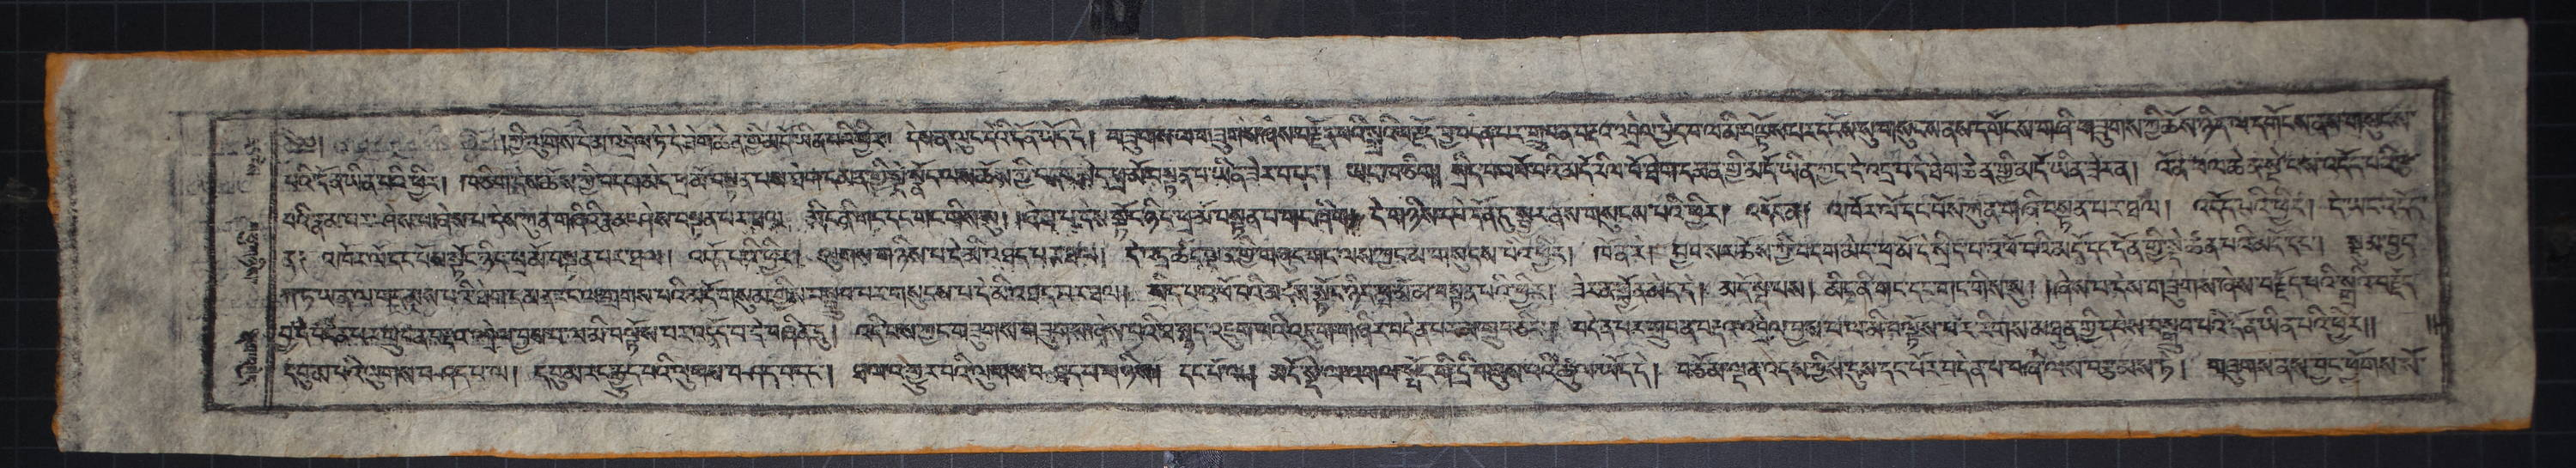༄༅། །ཀྱི་ལུགས་དེ་མ་འབྲེལ་ཏེ་དེ་ཐེག་ཆེན་གྱི་མདོ་ཡིན་པའི་ཕྱིར། དེས་ན་ལུང་དེའི་དོན་ཡོད་དེ། གཟུགས་ལ་གཟུགས་ཞེས་བརྗོད་པའི་སྒྲའི་བརྗོད་བྱ་བདེན་པར་གྲུབ་ན་བརྡའ་འབྲེལ་བྱེད་པ་ལ་མི་བལྟོས་པར་དངོས་སུ་གསུངས་ནས་དགོངས་གཞི་གཟུགས་ཀྱི་ཆོས་ཉིད་ལ་དགོངས་ནས་གསུངས་
པའི་དོན་ཡིན་པའི་ཕྱིར། ཁ་ཅིག་དེས་ཆོས་ཀྱི་བདག་མེད་ཕྲ་མོ་བསྟན་པས་ཐེག་དམན་གྱི་སྡེ་སྣོད་ལས་ཆོས་ཀྱི་བདག་མེད་ཕྲ་མོ་བསྟན་པ་ཡིན་ཟེར་བ་དང་། ཡང་ཁ་ཅིག ། སྲིད་པ་འཕོ་བའི་མདོ་རིལ་པོ་ཐེག་དམན་གྱི་མདོ་ཡིན་ཀྱང་དེ་འདྲ་བ་དེ་ཐེག་ཆེན་གྱི་མདོ་ཡིན་ཟེར་ན། འོ་ན་ཕལ་ཆེན་སྡེ་པས་འདོད་པའི་རྩ་
བའི་རྣམ་པར་ཤེས་པ་ཞེས་པ་དེས་ཀུན་གཞིའི་རྣམ་ཤེས་བསྟན་པར་ཐལ། མིང་ནི་གང་དང་གང་གིས་སུ། །ཞེས་པ་དེས་སྟོང་ཉིད་ཕྲ་མོ་བསྟན་པ་གང་ཞིག ། དེ་གཉིས་དཔེ་དོན་དུ་སྦྱར་ནས་གསུངས་པའི་ཕྱིར། འདོད་ན། འཁོར་ལོ་དང་པོས་ཀུན་གཞི་བསྟན་པར་ཐལ། འདོད་པའི་ཕྱིར། དེ་ཡང་འདོད་
ན༑ འཁོར་ལོ་དང་པོས་སྟོང་ཉིད་ཕྲ་མོ་བསྟན་པར་ཐལ། འདོད་པའི་ཕྱིར། ལུགས་གཉིས་པ་དེ་མི་འཐད་པར་ཐལ། དེ་འདྲ་ཚད་ལྡན་གྱི་གཞུང་གང་ལས་ཀྱང་མ་གསུངས་པའི་ཕྱིར། ཁོ་ན་རེ། བྱང་སར་ཆོས་ཀྱི་བདག་མེད་ཕྲ་མོ་དེ་སྲིད་པ་འཕོ་བའི་མདོ་དང་དོན་གྱི་སྡེ་ཚན་པའི་མདོ་དང་། སྡུམ་བྱེད་
ཀ་ཏ་ཡ་ན་ལ་གདམས་པའི་ཐེག་དམན་རང་ལ་གྲགས་པའི་མདོ་གསུམ་གྱིས་བསྒྲུབ་པར་གསུངས་པ་དེ་མི་འཐད་པར་ཐལ། སྲིད་པ་འཕོ་བའི་མདོས་སྟོང་ཉིད་ཕྲ་མོ་མ་བསྟན་པའི་ཕྱིར། ཟེར་ན་སྐྱོན་མེད་དེ། མདོ་སྡེ་པས། མིང་ནི་གང་དང་གང་གིས་སུ། །ཞེས་པ་དེས་གཟུགས་ཞེས་བརྗོད་པའི་སྒྲའི་བརྗོད་
བྱ་དེ་བདེན་པར་གྲུབ་ན་བརྡའ་འབྲེལ་བྱས་པ་ལ་མི་བལྟོས་པར་འདོད་པ་དེ་བཞིན་དུ། འདི་པས་ཀྱང་གཟུགས་གཟུགས་ཞེས་པའི་ཐ་སྙད་འཇུག་པའི་འཇུག་གཞིར་བདེན་པར་མ་གྲུབ་ཅིང་། བདེན་པར་གྲུབ་ན་བརྡའ་འབྲེལ་བྱས་པ་ལ་མི་བལྟོས་པར་རིགས་མཐུན་གྱི་དཔེས་བསྒྲུབ་པའི་དོན་ཡིན་པའི་ཕྱིར།། །།
དབུ་མ་པའི་ལུགས་བཤད་པ་ལ། དབུ་མ་རང་རྒྱུད་པའི་ལུགས་བཤད་པ་དང་། ཐལ་འགྱུར་བའི་ལུགས་བཤད་པ་གཉིས། དང་པོ་ལ། མདོ་སྡེ་ལ་འགལ་སྤོང་གི་དྲི་བ་ཞུས་པའི་ཚུལ་ཡོད་དེ། བཅོམ་ལྡན་འདས་ཀྱིས་དུས་དང་པོར་བདེན་པ་བཞི་ལས་བརྩམས་ཏེ། གཟུགས་ནས་བྱང་ཕྱོགས་སོ་